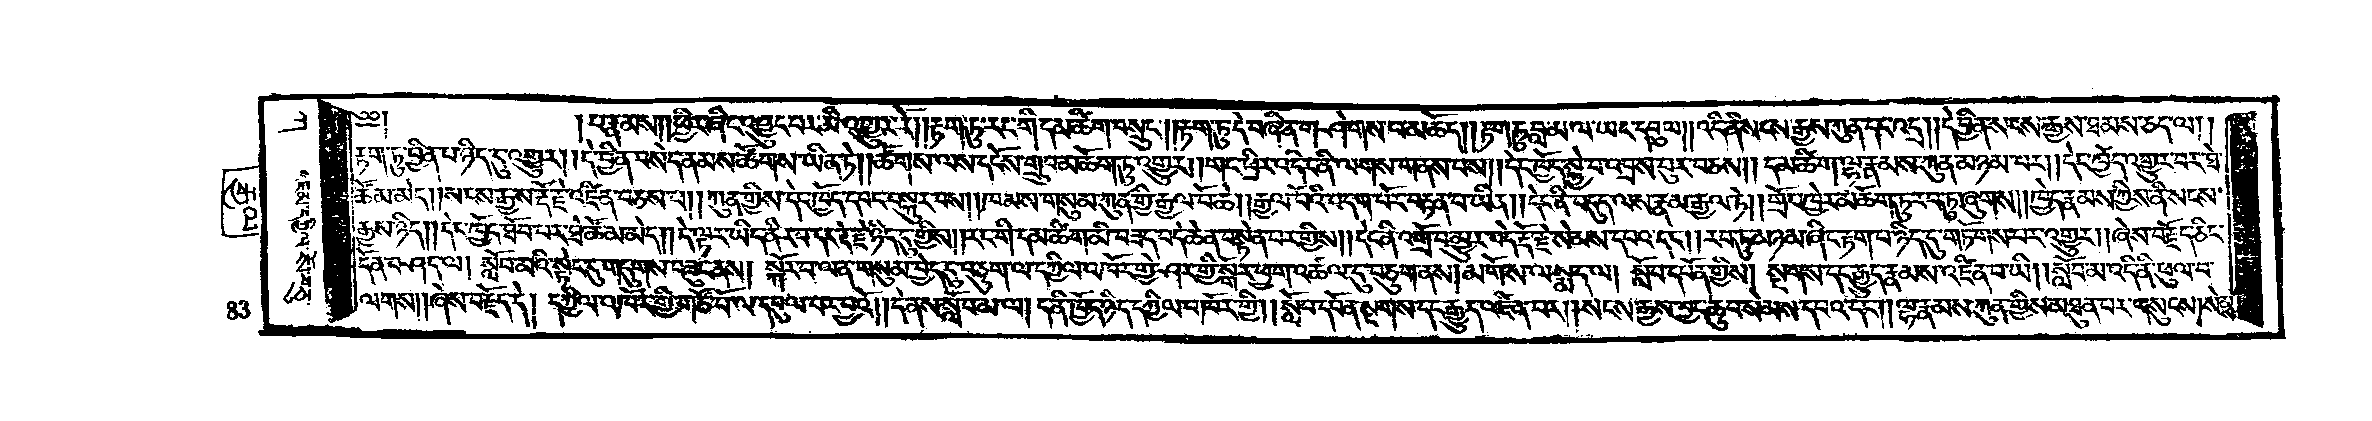༄༅། །པ་རྣམས། །ཕྱིར་ཞིང་འབྱུང་བར་མི་འགྱུར་རོ། །རྟག་ཏུ་རང་གི་དམ་ཚིག་བསྲུང་། །རྟག་ཏུ་དེ་བཞིན་གཤེགས་པ་མཆོད། །རྟག་ཏུ་བླ་མ་ལ་ཡང་དབུལ། །འདི་ནི་སངས་རྒྱས་ཀུན་དང་འདྲ། །དེ་བྱིན་སངས་རྒྱས་ཐམས་ཅད་ལ། །
རྟག་ཏུ་བྱིན་པ་ཉིད་དུ་འགྱུར། །དེ་བྱིན་བསོད་ནམས་ཚོགས་ཡིན་ཏེ། །ཚོགས་ལས་དངོས་གྲུབ་མཆོག་ཏུ་འགྱུར། །གང་ཕྱིར་འདིར་ནི་ལགས་གནས་པས། །དེང་ཁྱོད་སྐྱེ་བ་འབྲས་བུར་བཅས། །དམ་ཚིག་ལྷ་རྣམས་ཀུན་མཉམ་པར། །དེང་ཁྱོད་འགྱུར་བར་ཐེ་
ཚོམ་མེད། །སངས་རྒྱས་རྡོ་རྗེ་འཛིན་བཅས་པ། །ཀུན་གྱིས་དེང་ཁྱོད་དབང་བསྐུར་བས། །ཁམས་གསུམ་ཀུན་གྱི་རྒྱལ་པོ་ཆེ། །རྒྱལ་པོའི་བདག་པོར་བརྟན་པ་ཡིན། །དེང་ནི་བདུད་ལས་རྣམ་རྒྱལ་ཏེ། །གྲོང་ཁྱེར་མཆོག་ཏུ་རབ་ཏུ་ཞུགས། །ཁྱེད་རྣམས་ཀྱིས་ནི་སངས་
རྒྱས་ཉིད། །དེང་ཁྱོད་ཐོབ་པར་ཐེ་ཚོམ་མེད། །དེ་ལྟར་ཡིད་ནི་རབ་དང་རྡོ་རྗེ་ཉིད་དུ་གྱིས། །རང་གི་དམ་ཚིག་མི་བཟད་བདེ་ཆེན་བསྟེན་པར་གྱིས། །དེང་ནི་འགྲོ་བ་མྱུར་བདེ་རྡོ་རྗེ་སེམས་དཔའ་དང་། །རབ་ཏུ་མཉམ་ཞིང་རྟག་པ་ཉིད་དུ་གཏོགས་པར་འགྱུར། །ཞེས་བརྗོད་ཅིང་
དོན་བཤད་ལ། སློབ་མའི་སྟེང་དུ་གདུགས་བཟུང་ནས། སྐོར་བ་ལན་གསུམ་བྱེད་དུ་བཅུག་ལ་དཀྱིལ་འཁོར་གྱི་ཤར་གྱི་སྒོར་ཕྱག་འཚལ་དུ་བཅུག་ནས། མགོ་ས་ལ་སྨད་ལ། སློབ་དཔོན་གྱིས། སྔགས་དང་རྒྱུད་རྣམས་འཛིན་པ་ཡི། །སློབ་མ་འདི་ནི་ཕུལ་བ་
ལགས། །ཞེས་བརྗོད་དེ། དཀྱིལ་འཁོར་གྱི་གཙོ་བོ་ལ་དབུལ་བར་བྱའོ། །དེ་ནས་སློབ་མ་ལ། ད་ནི་ཁྱོད་ཉིད་དཀྱིལ་འཁོར་གྱི། །སློབ་དཔོན་སྔགས་དང་རྒྱུད་འཛིན་པར། །སངས་རྒྱས་བྱང་ཆུབ་སེམས་དཔའ་དང་། །ལྷ་རྣམས་ཀུན་གྱིས་མཐུན་པར་གསུངས། སེམས་